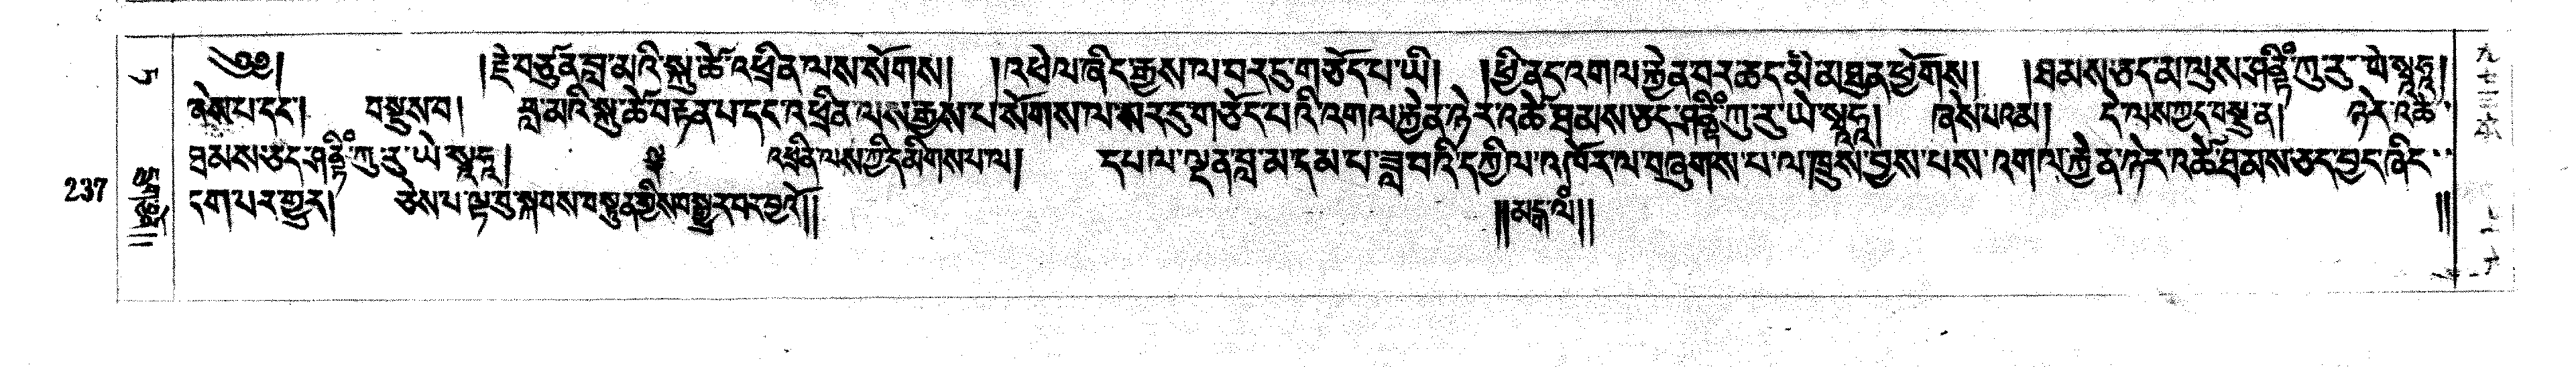༄༅། །རྗེ་བཙུན་བླ་མའི་སྐུ་ཚེ་འཕྲིན་ལས་སོགས། །འཕེལ་ཞིང་རྒྱས་ལ་བར་དུ་གཅོད་པ་ཡི། །ཕྱི་ནང་འགལ་རྐྱེན་བར་ཆད་མི་མཐུན་ཕྱོགས། །ཐམས་ཅད་མ་ལུས་ཤནྟིཾ་ཀུ་རུ་ཡེ་སྭཱཧཱ།
ཞེས་པ་དང་། བསྡུས་བ། བླ་མའི་སྐུ་ཚེ་བརྟན་པ་དང་འཕྲིན་ལས་རྒྱས་པ་སོགས་ལ་སར་དུ་གཅོད་པའི་འགལ་རྐྱེན་ཉེར་འཚེ་ཐམས་ཅད་ཤནྟིཾ་ཀུ་རུ་ཡེ་སྭཱཧཱ། ཞེས་པའམ། དེ་ལས་ཀྱང་བསྡུ་ན། ཉེར་འཚེ་
ཐམས་ཅད་ཤནྟིཾ་ཀུ་རུ་ཡེ་སྭཱཧཱ། ༈ འཕྲིན་ལས་ཀྱི་དམིགས་པ་ལ། དཔལ་ལྡན་བླ་མ་དམ་པ་ཟླ་བའི་དཀྱིལ་འཁོར་ལ་བཞུགས་པ་ལ་ཁྲུས་བྱས་པས་འགལ་རྐྱེན་ཉེར་འཚེ་ཐམས་ཅད་བྱང་ཞིང་
དག་པར་གྱུར། ཅེས་པ་ལྟ་བུ་སྐབས་བསྟུན་གྱིས་བསྒྱུར་བར་བྱའོ།། །།མངྒ་ལཾ།། །།